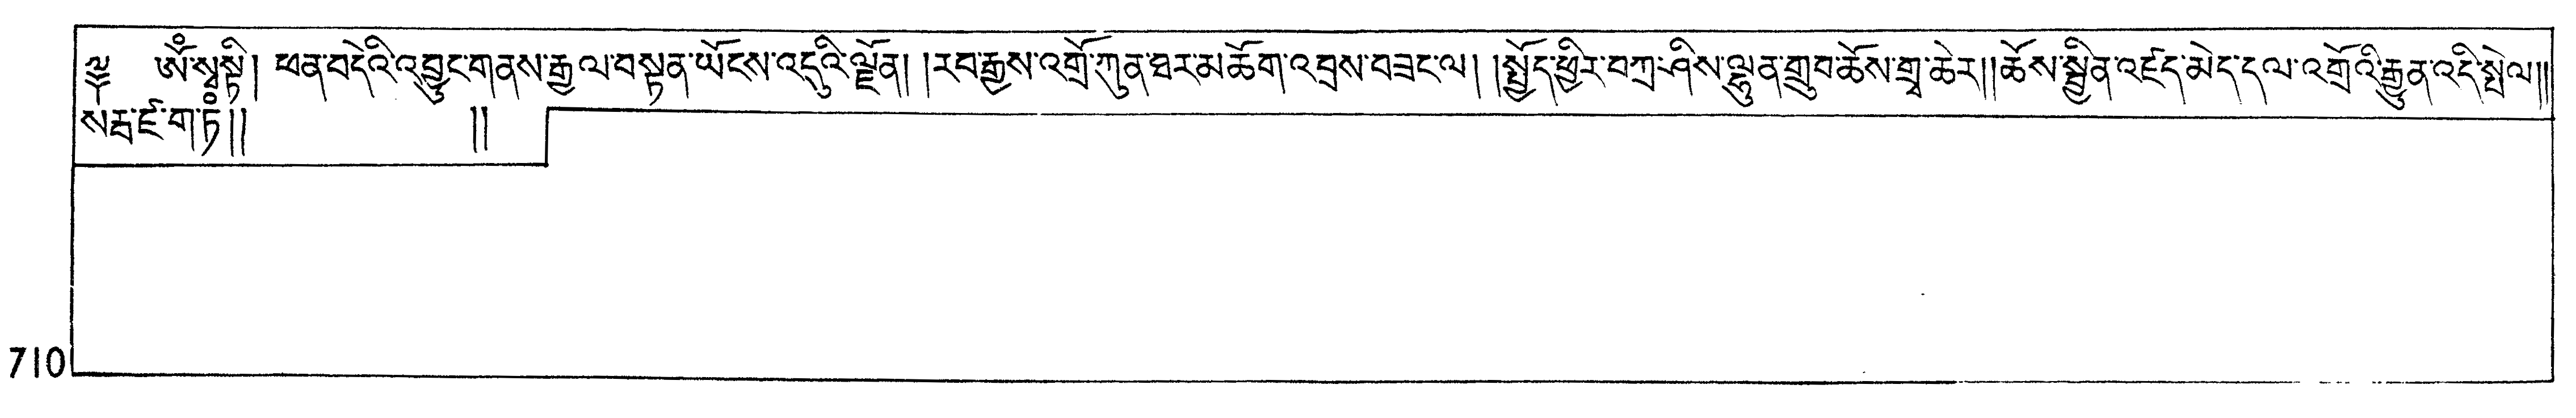༈ ཨོཾ་སྭ་སྟི། ཕན་བདེའི་འབྱུང་གནས་རྒྱལ་བསྟན་ཡོངས་འདུའི་ལྗོན། །རབ་རྒྱས་འགྲོ་ཀུན་ཐར་མཆོག་འབྲས་བཟང་ལ། །སྤྱོད་ཕྱིར་བཀྲ་ཤིས་ལྷུན་གྲུབ་ཆོས་གྲྭ་ཆེར། །ཆོས་སྦྱིན་འཛད་མེད་དལ་འགྲོའི་རྒྱུན་འདི་སྤེལ། །
སརྦ་ཛ་ག་ཏཾ།། །།